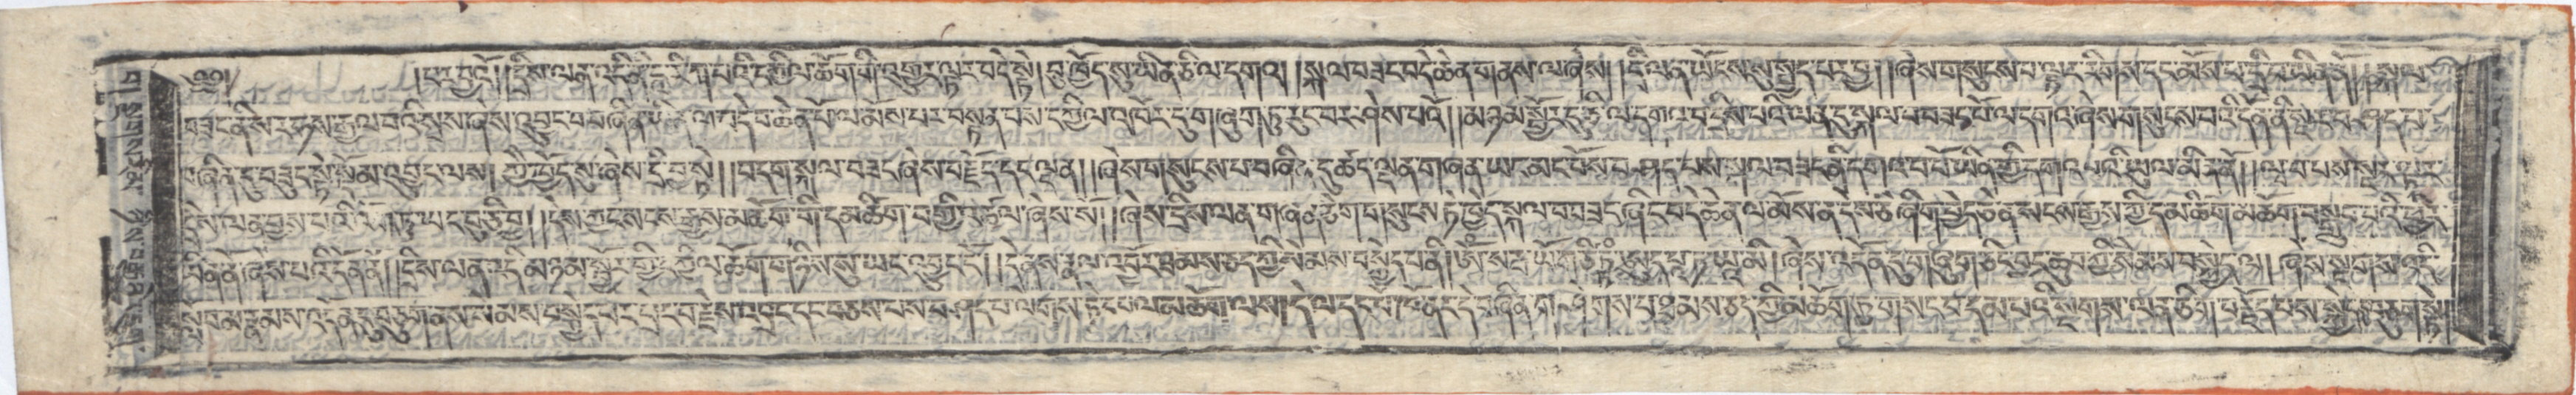༄༅། །པར་བྱའོ། །དྲིས་ལན་འདི་ནི་དཱ་རི་ཀ་པའི་དཀྱིལ་ཆོག་གི་འགྱུར་ལྟར་བདེ་སྟེ། བུ་ཁྱོད་སུ་ཡིན་ཅི་ལ་དགའ། །སྐལ་བཟང་བདེ་ཆེན་གནས་ལ་ཞེས། །དྲི་ལན་ཡོངས་སུ་སྤྱད་པར་བྱ། །ཞེས་གསུངས་པ་ལྟར་རིགས་དང་མོས་པ་དྲི་བ་ཡིན་ནོ། །སྐལ་
བཟང་ནི་ས་ར་ཧས་རྒྱལ་བའི་སྲས་ཞེས་འབྱུང་བ་བཞིན་ཡིན་ལ་བདེ་བ་ཆེན་པོ་ལ་མོས་པར་བསྟན་པས་དཀྱིལ་འཁོར་དུ་གཞུག་ཏུ་རུང་བར་ཤེས་པའོ། །མཉམ་སྦྱོར་དུ་ཅི་ལ་དགའ་བ་དྲིས་པའི་ལན་དུ་སྐལ་པ་བཟང་པོ་ལ་དགའ་ཞེས་གསུངས་པའི་དོན་ནི་སྔར་བཤད་པ་
བཞིན་དུ་བཟུང་སྟེ་སྡོམ་འབྱུང་ལས། ཀྱཻ་ཁྱོད་སུ་ཞེས་དྲི་བྱ་སྟེ། །བདག་སྐལ་བཟང་ཞེས་བརྗོད་དང་ལྡན། །ཞེས་གསུངས་པ་བཞིན་དུ་ཚད་ལྡན་གཞན་ཡང་མང་པོས་བཤད་པས་སྐལ་བཟང་ནི་དགའ་བ་པོ་ཡིན་གྱི་དགའ་བའི་ཡུལ་མིན་ནོ། །ལྭ་བ་པས་སྔར་ལྟར་
དྲིས་ལན་བྱས་པའི་འོག་ཏུ་ཡང་བུ་ཅི་བྱ། །དེས་ཀྱང་སངས་རྒྱས་མཆོག་གི་དམ་ཚིག་བགྱི་འཚལ་ཞེས་སོ། །ཞེས་དྲིས་ལན་གཞན་ཅིག་གསུངས་ཏེ་ཁྱེད་སྐལ་བ་བཟང་ཞིང་བདེ་ཆེན་ལ་མོས་ན་དེས་ཅི་ཞིག་བྱེད་ཅེ་ན་སངས་རྒྱས་ཀྱི་དམ་ཚིག་མཆོག་བསྒྲུབ་པའི་ཕྱིར་
ཡིན་ནོ་ཞེས་པའི་དོན་ནོ། །དྲིས་ལན་འདི་མཉམ་སྦྱོར་གྱི་དཀྱིལ་ཆོག་གཉིས་སུ་ཡང་འབྱུང་ངོ། །དེ་ནས་རྣལ་འབྱོར་ཐམས་ཅད་ཀྱི་སེམས་བསྐྱེད་པ་ནི། ཨོཾ་སརྦ་ཡོ་ག་ཙིཏཏཾ་ཨུད་པཱ་ཏ་ཡཱ་མི། ཞེས་འདོན་དུ་གཞུག་ཅིང་བྱང་ཆུབ་ཀྱི་སེམས་བསྐྱེད་ལ། ཞེས་སྔགས་འདི་
སློབ་མ་རྣམས་འདོན་དུ་བཅུག་ནས་སེམས་བསྐྱེད་པར་ཕྲེང་བ་རྗེས་འབྲང་དང་བཅས་པས་བཤད་པ་ལེགས་ཏེ་དཔལ་མཆོག་ལས། དེ་ལ་དང་པོ་ཁོ་ནར་དེ་བཞིན་གཤེགས་པ་ཐམས་ཅད་ཀྱི་མཆོག་ཏུ་གསང་བ་དམ་པའི་སྔགས་ལན་ཅིག་བརྗོད་པས་སྐྱེད་དུ་བཅུག་སྟེ།